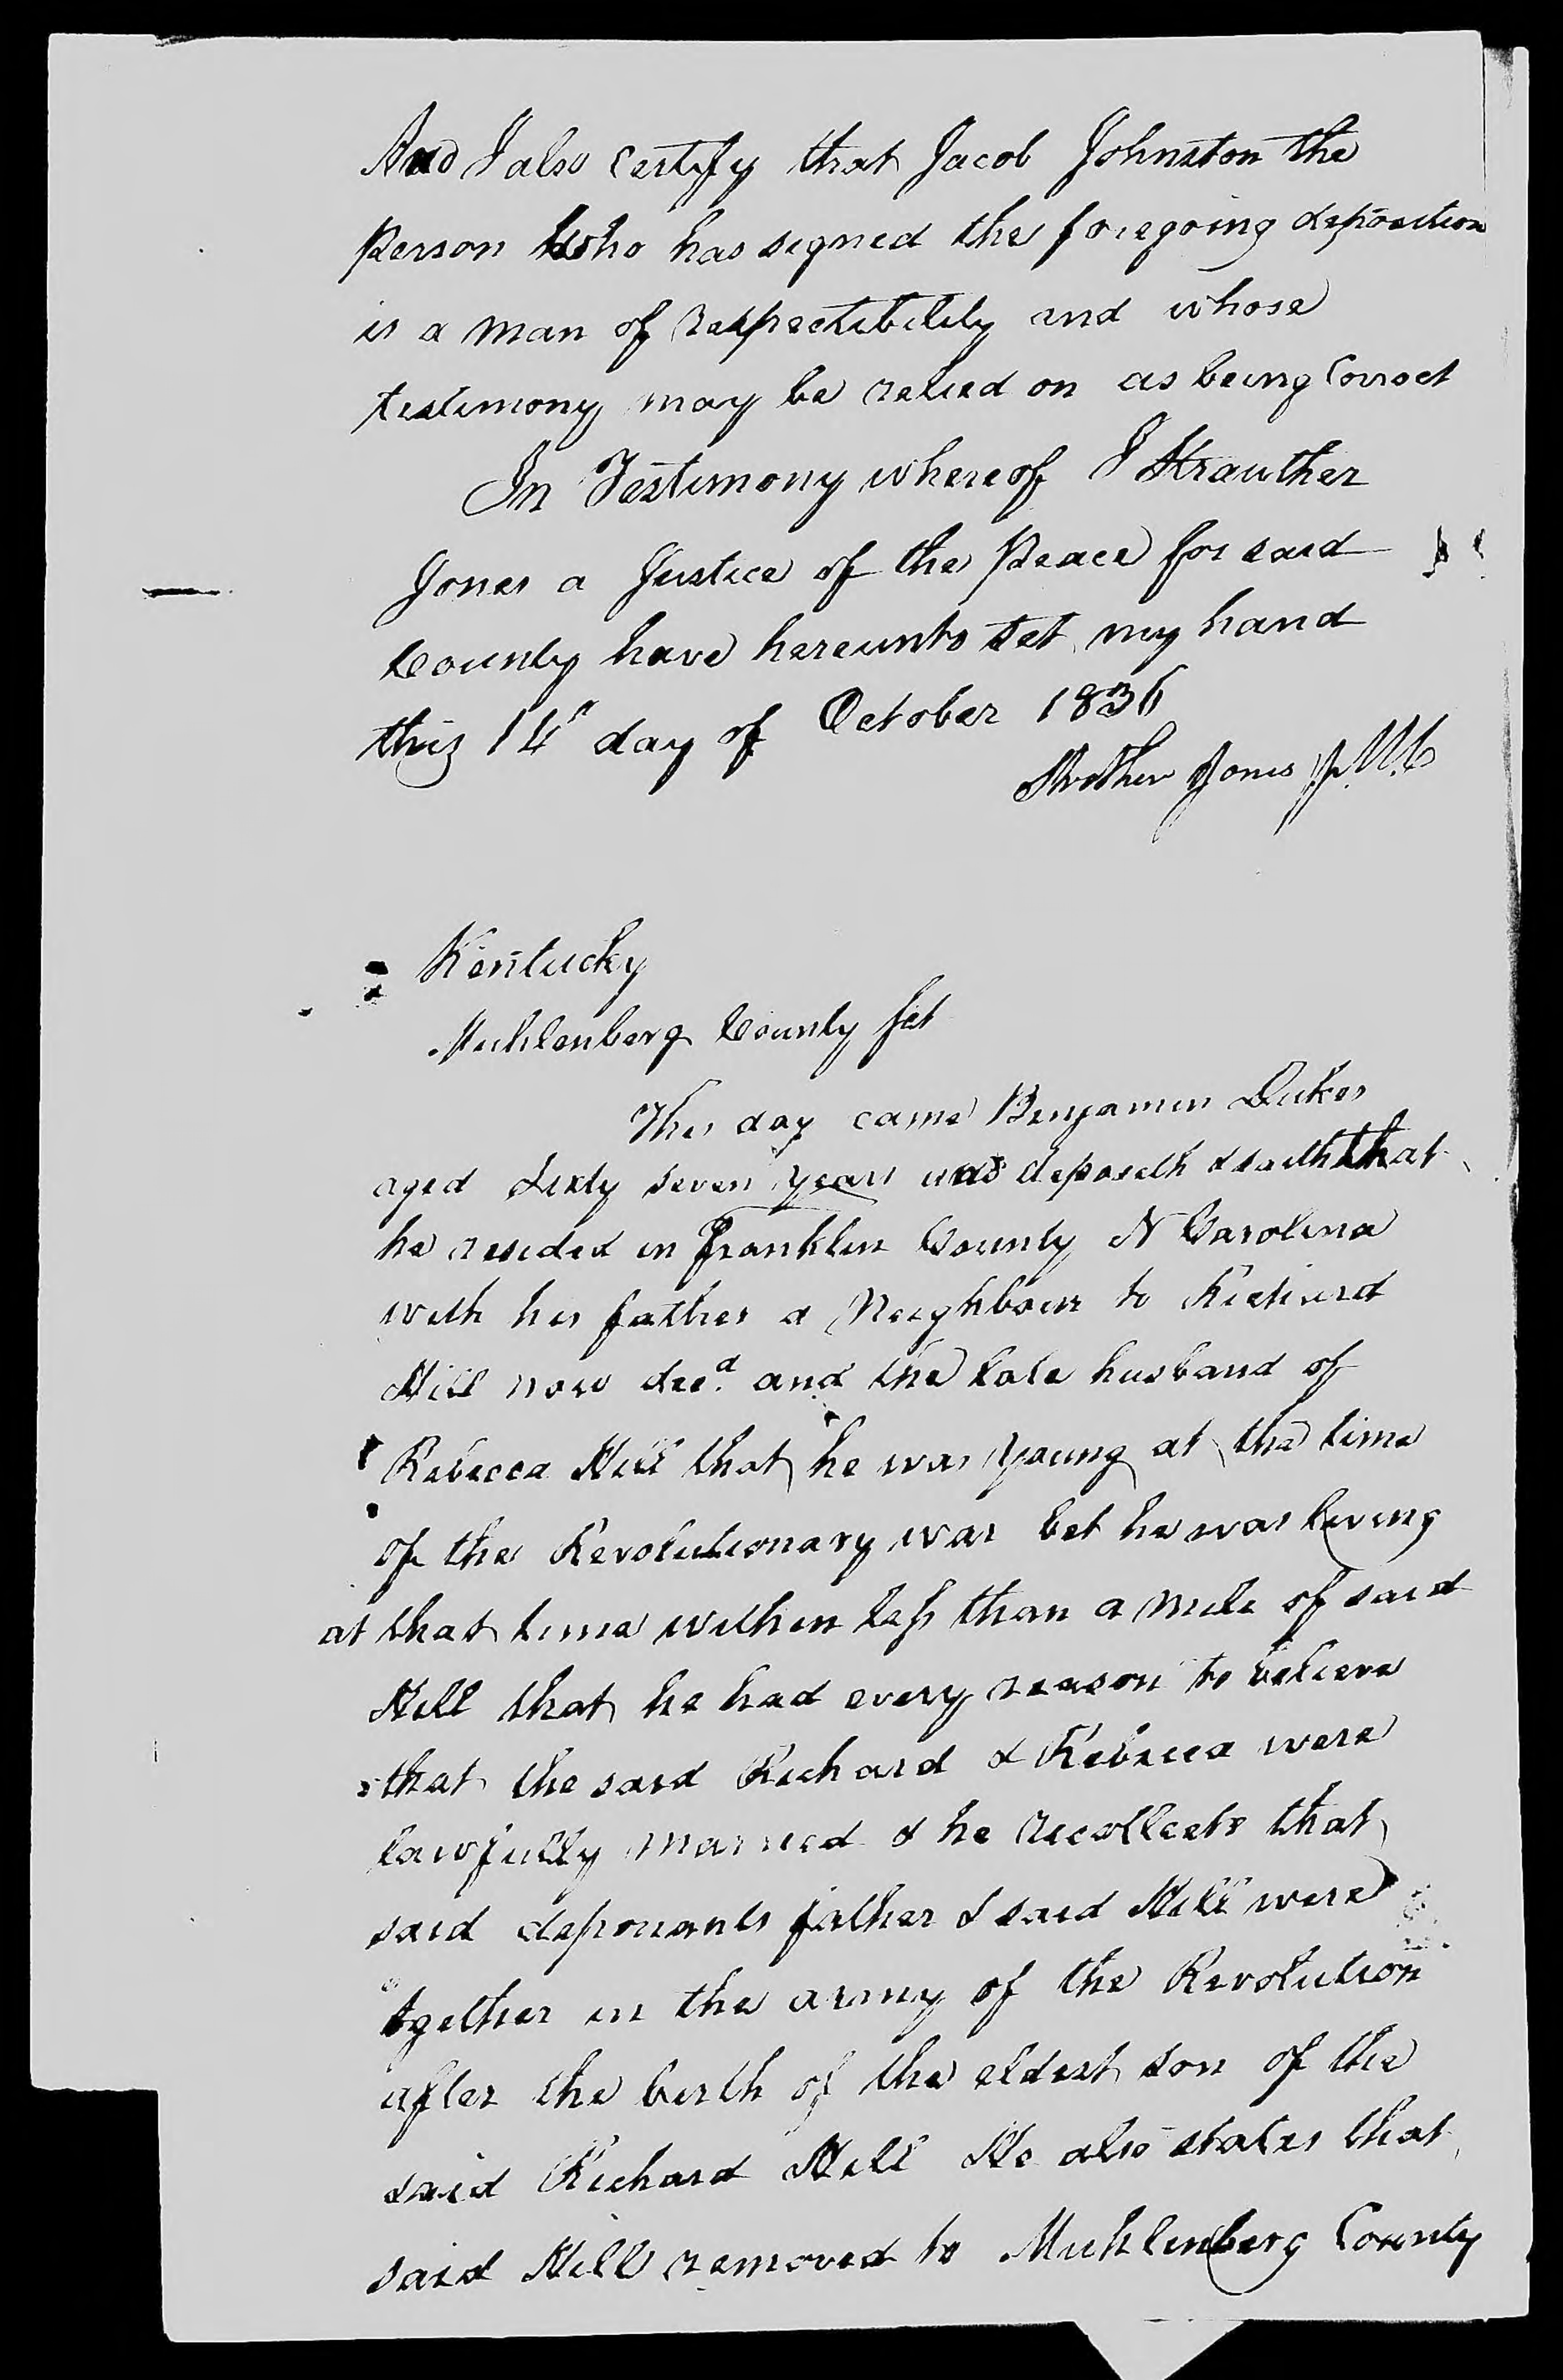And I also certify that Jacob Johnston the person who has signed the foregoing deposition is a man of respectability and whose testimony may be relied on as being correct.
In Testimony whereof I Strother Jones a Justice of the Peace for said County have hereunto set my hand this 14th day of October 1836, 
Strother Jones J. P.

Kentucky 
Muhlenberg County Sct

This day came Benjamin Dukes aged Sixty Seven years and deposeth & saith that he resided in Franklin County N Carolina with his father a Neighbor to Richard Hill now dec.d [deceased] and the late husband of Rebecca He that he was young at the time of the Revolutionary war but he was living at that time within less than a mile of said Hill that he had every reason to believe that the said Richard & Rebecca were lawfully married & he recollects that said deponents father & said Hill were together in the army of the Revolution after the birth of the eldest son of the said Richard Hill He also states that said Hill removed to Muhlenberg County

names: Hill, Richard Hill, Strother Jones, Hill, Rebecca Hill, Rebecca, Richard, Benjamin Dukes, Richard Hill, Hill, Jacob Johnston, Strawther Jones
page: 19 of 27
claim: rejected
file: R. 5006, Richard Hill, N.C.